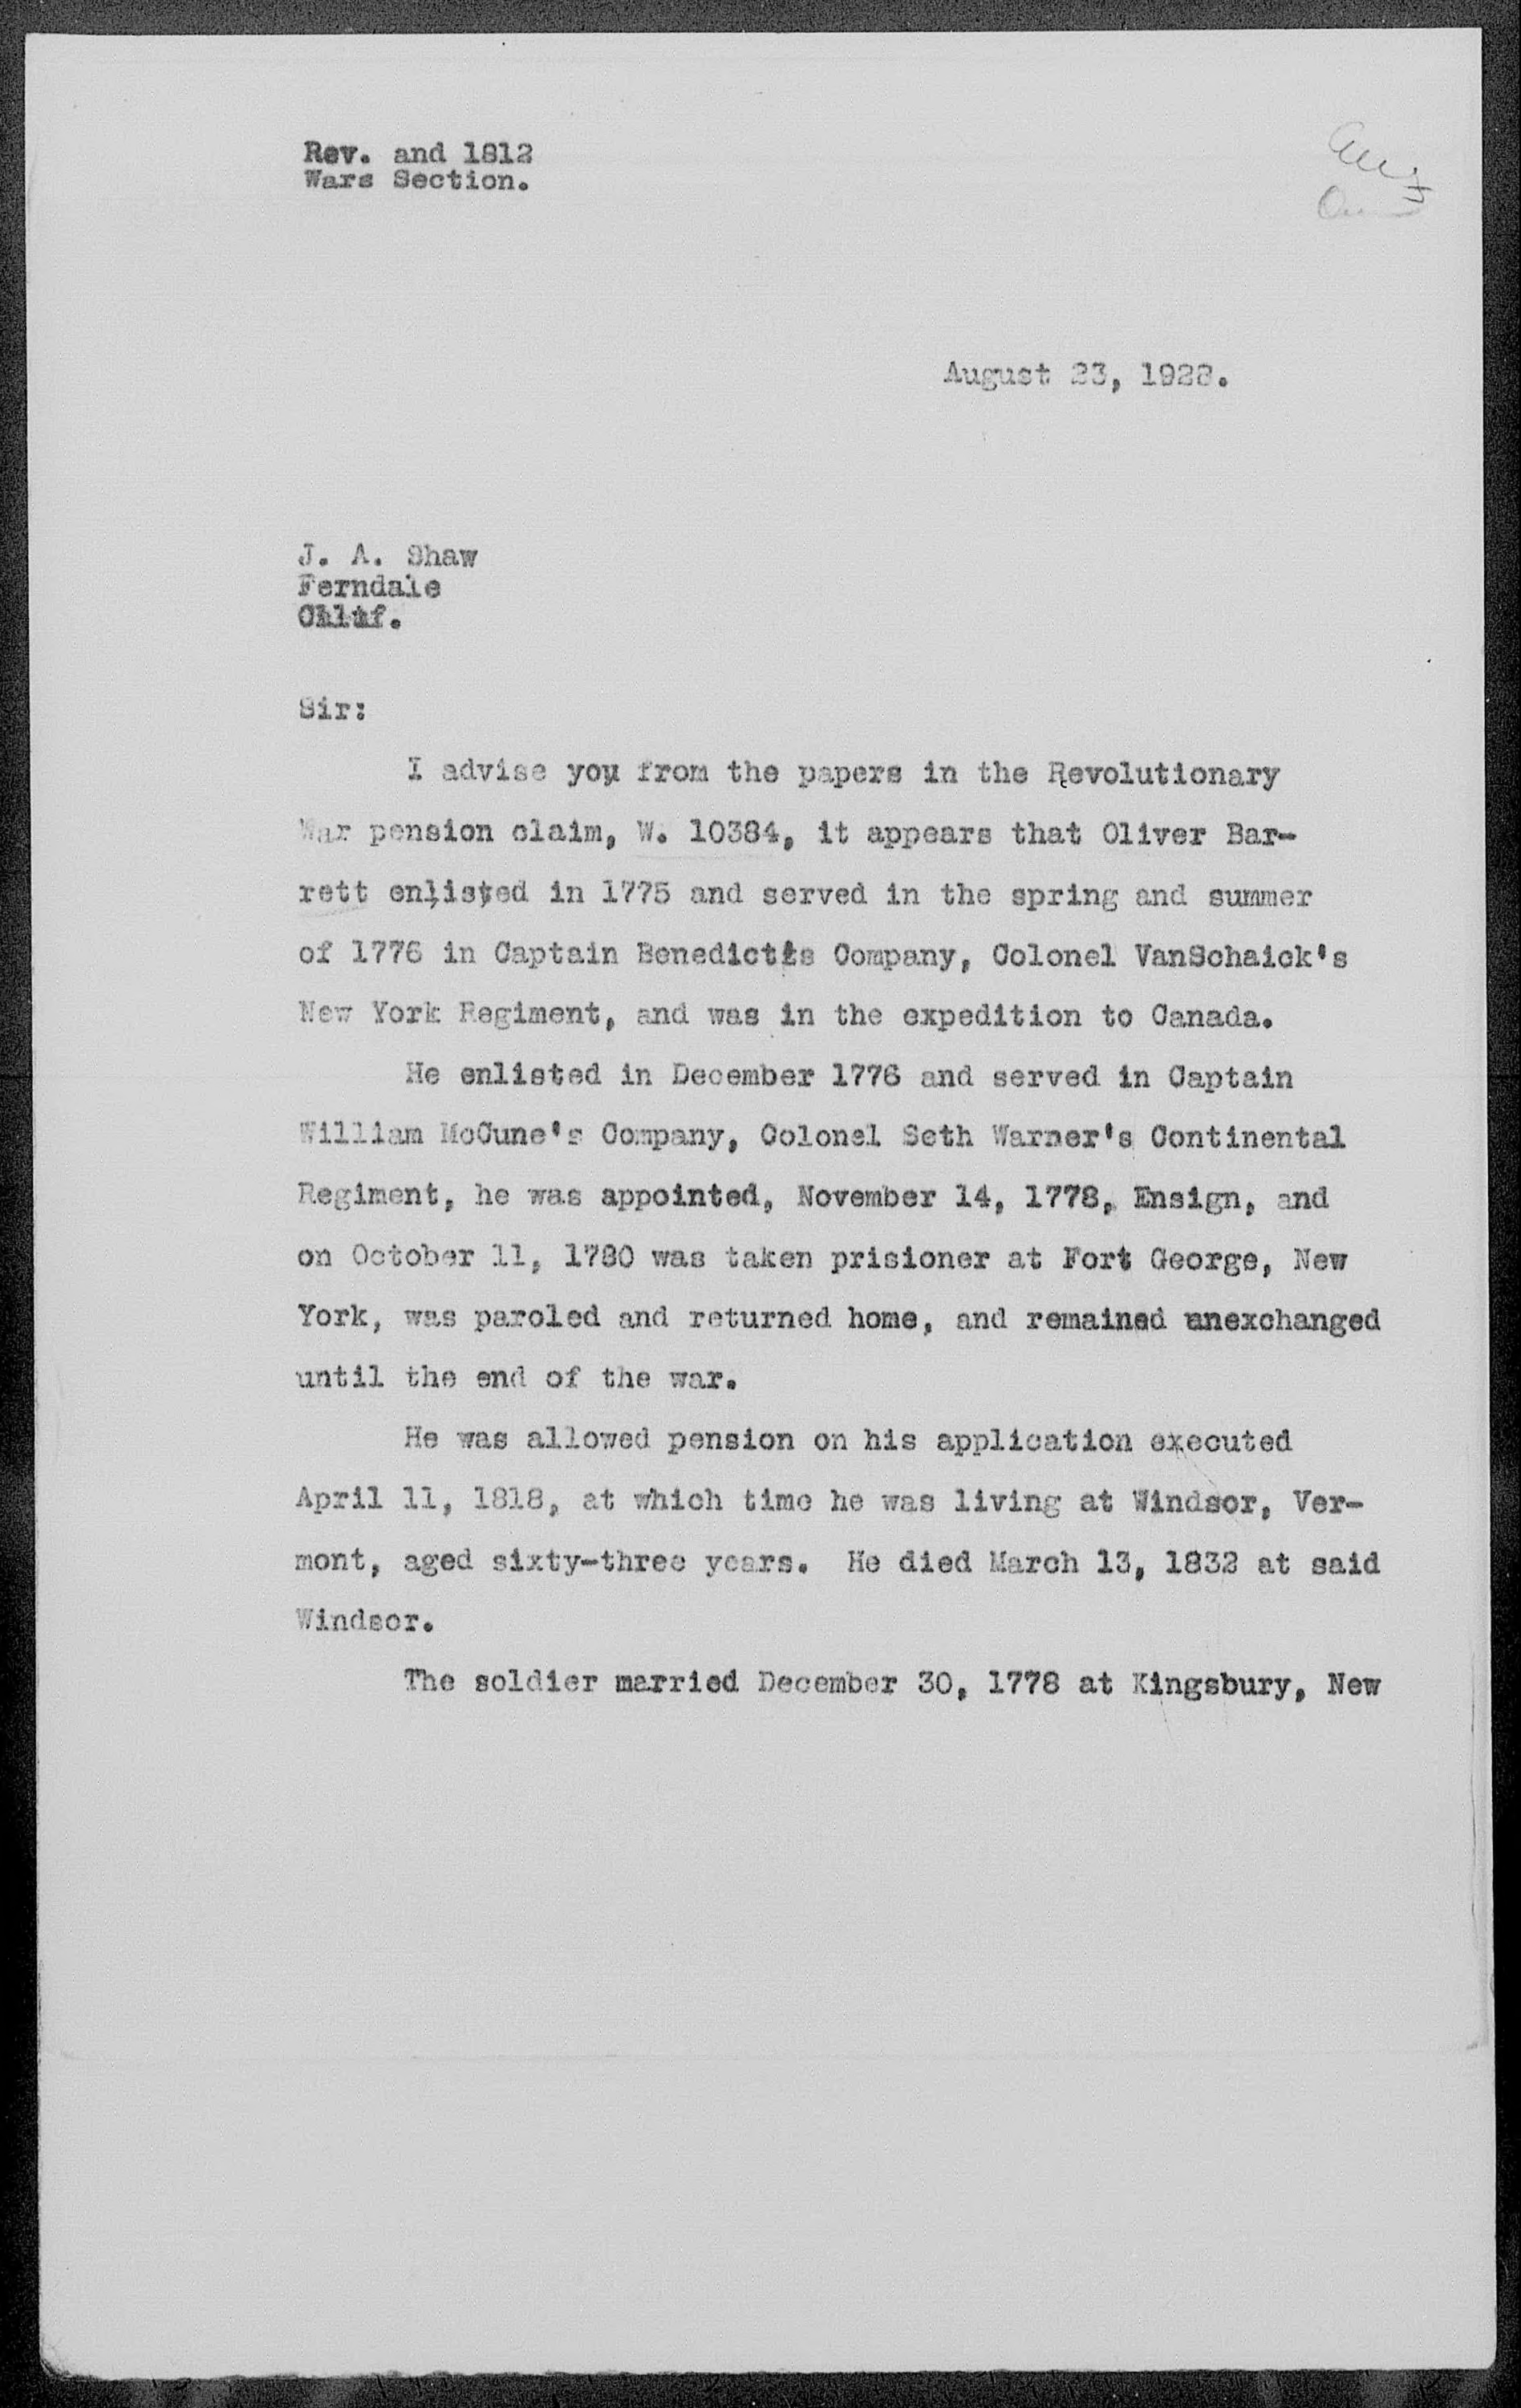Rev. and 1812
Wars Section. 

August 23, 1922.

J.A. Shaw
Ferndale
Chief. 

Sir:
I advise you from the papers in the Revolutionary War pension claim, W. 10384, it appears that Oliver Barrett enlisted in 1775 and served in the spring and summer of 1776 in Captain Benedict's Company, Colonel VanSchaick's New York Regiment, and was in expedition to Canada. 
He enlisted in December 1776 and served in Captain William McCune's Company, Colonel Seth Warner's Continental Regiment, he was appointed, November 14, 1778, Ensign, and on October 11, 1780 was taken prisoner at Fort George, New York, was paroled and returned home, and remained unexchanged until the end of the war. 
He was allowed pension on his application executed April 11, 1818, at which time he was living at Windsor, Vermont, aged sixty-three years. He died March 13, 1832 at said Windsor. 
The soldier married December 30, 1778 at Kingsbury, New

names: Oliver Barrett, J A Shaw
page: 11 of 83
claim: widow's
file: W. 10,384, Oliver Barrett, Continental (Vt.) N.Y.